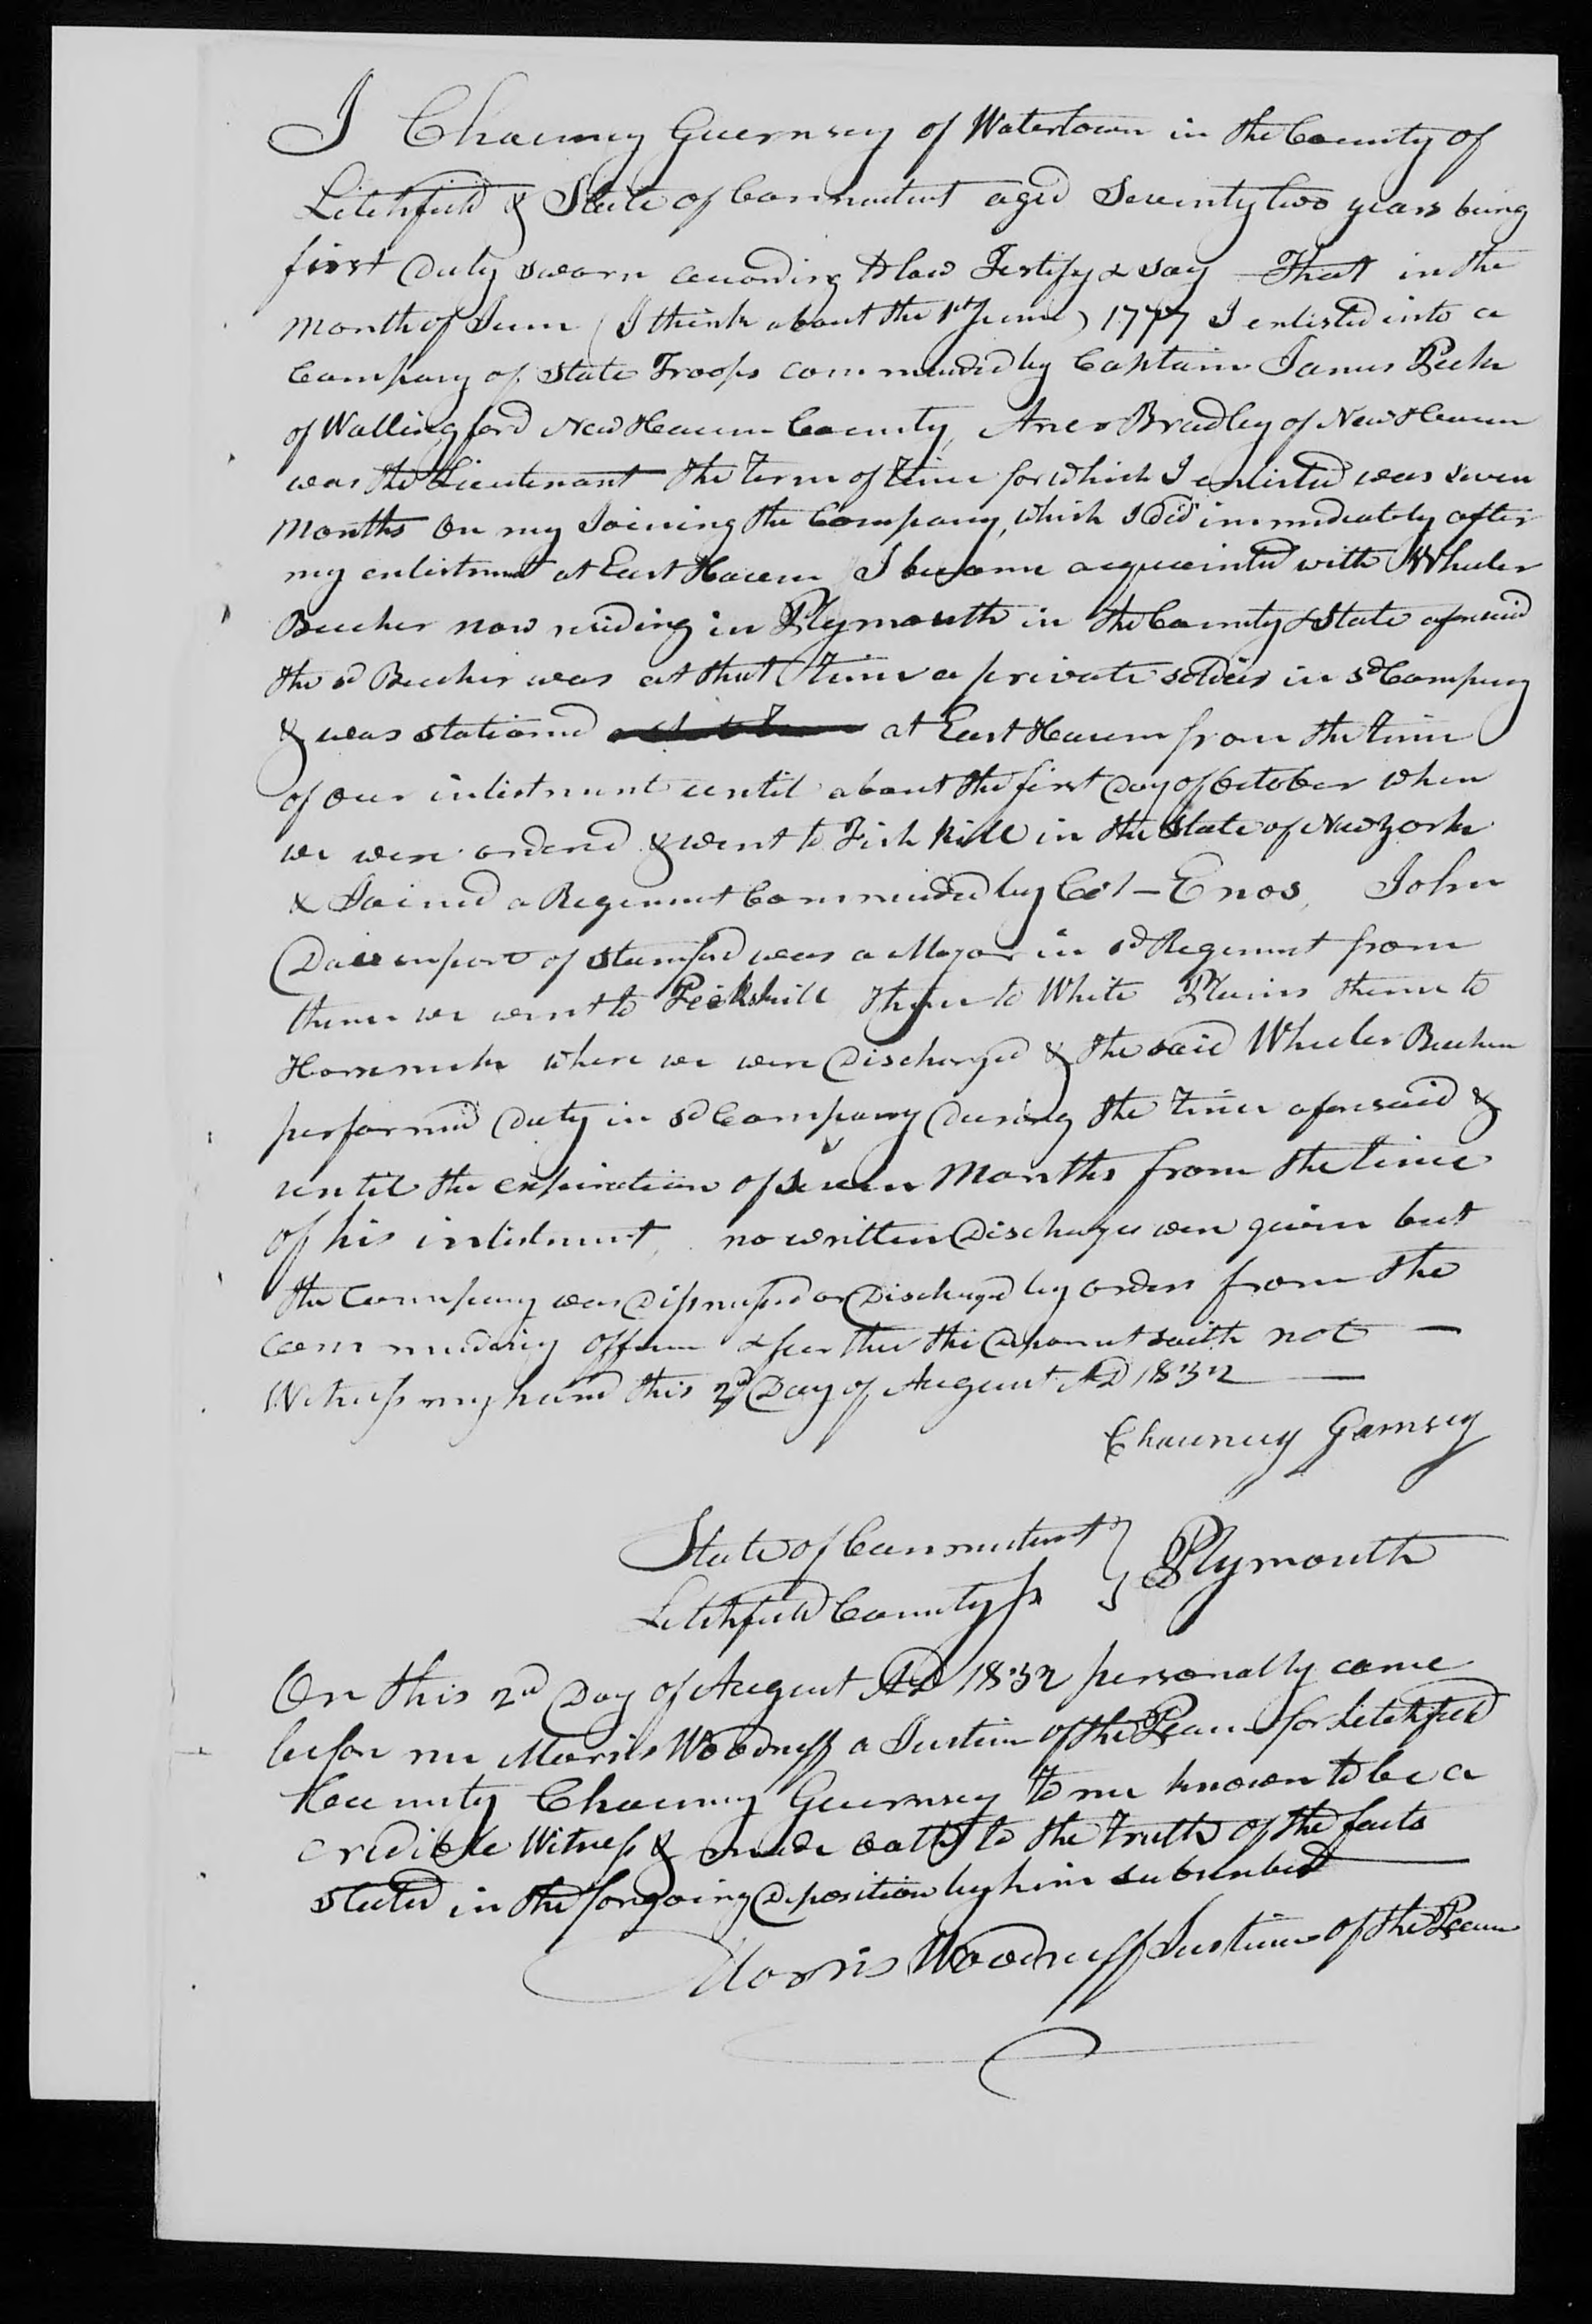I Chauncy Guernsey of Watertown in the County of Litchfield & State of Connecticut aged Seventy two years being first duly sworn according to law Testify & say That in the month of June (I think about the 1st of June) 1777 I enlisted into a company of State Troops commanded by Captain James Pecke of Wallingford New Haven County, Aner Bradley of New Haven was the Lieutenant The term of time for which I enlisted was seven months On my Joining the Company, which I did immediately after my enlistment at East Haven I became acquainted with Wheeler Beecher now residing in Plymouth in the County & State aforesaid The s'd Beecher was at that time a private soldier in s'd Company & was stationed at East Haven from the time of our inlistment until about the first day of October when we were ordered & went to Fish Kill in the State of New York & Joined a Regiment commanded by Col -- Enos, John Davenport of Stamford was a Major in s'd Regiment from thence we went to Fish Kill then to White Plains thence to Horseback where we were discharged & the said Wheeler Beecher performed duty in s'd company during the time aforesaid & until the expiration of Seven months from the time of his inlistment no written discharges were given but the company was dismissed or discharged by orders from the Commanding Officer & further the Deponent saith not - With my hand this 2nd day of August AD 1832 -
Chauncy Guernsey

State of Connecticut
Litchfield County Ss. } Plymouth
On this 2nd day of August AS 1832 personally came before me Morris Woodruff a Justice of the Peace for Litchfield County Chauncy Guernsey to me known to be a credible witness & under oath to the truth of the facts stated in the foregoing deposition by him subscribed
Morris Woodruff Justice of the Peace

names: Enos John, Chauncy Guernsey, Theod Beecher, Chauncy Guernsey, James Pecke, Wheeler Beecheer, Morris Woodruff, Mooris Woodruff, Wheeler Beecher, Chauncey Garnsey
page: 16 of 21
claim: survivor's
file: S. 14943, Wheeler Beecher, Conn.